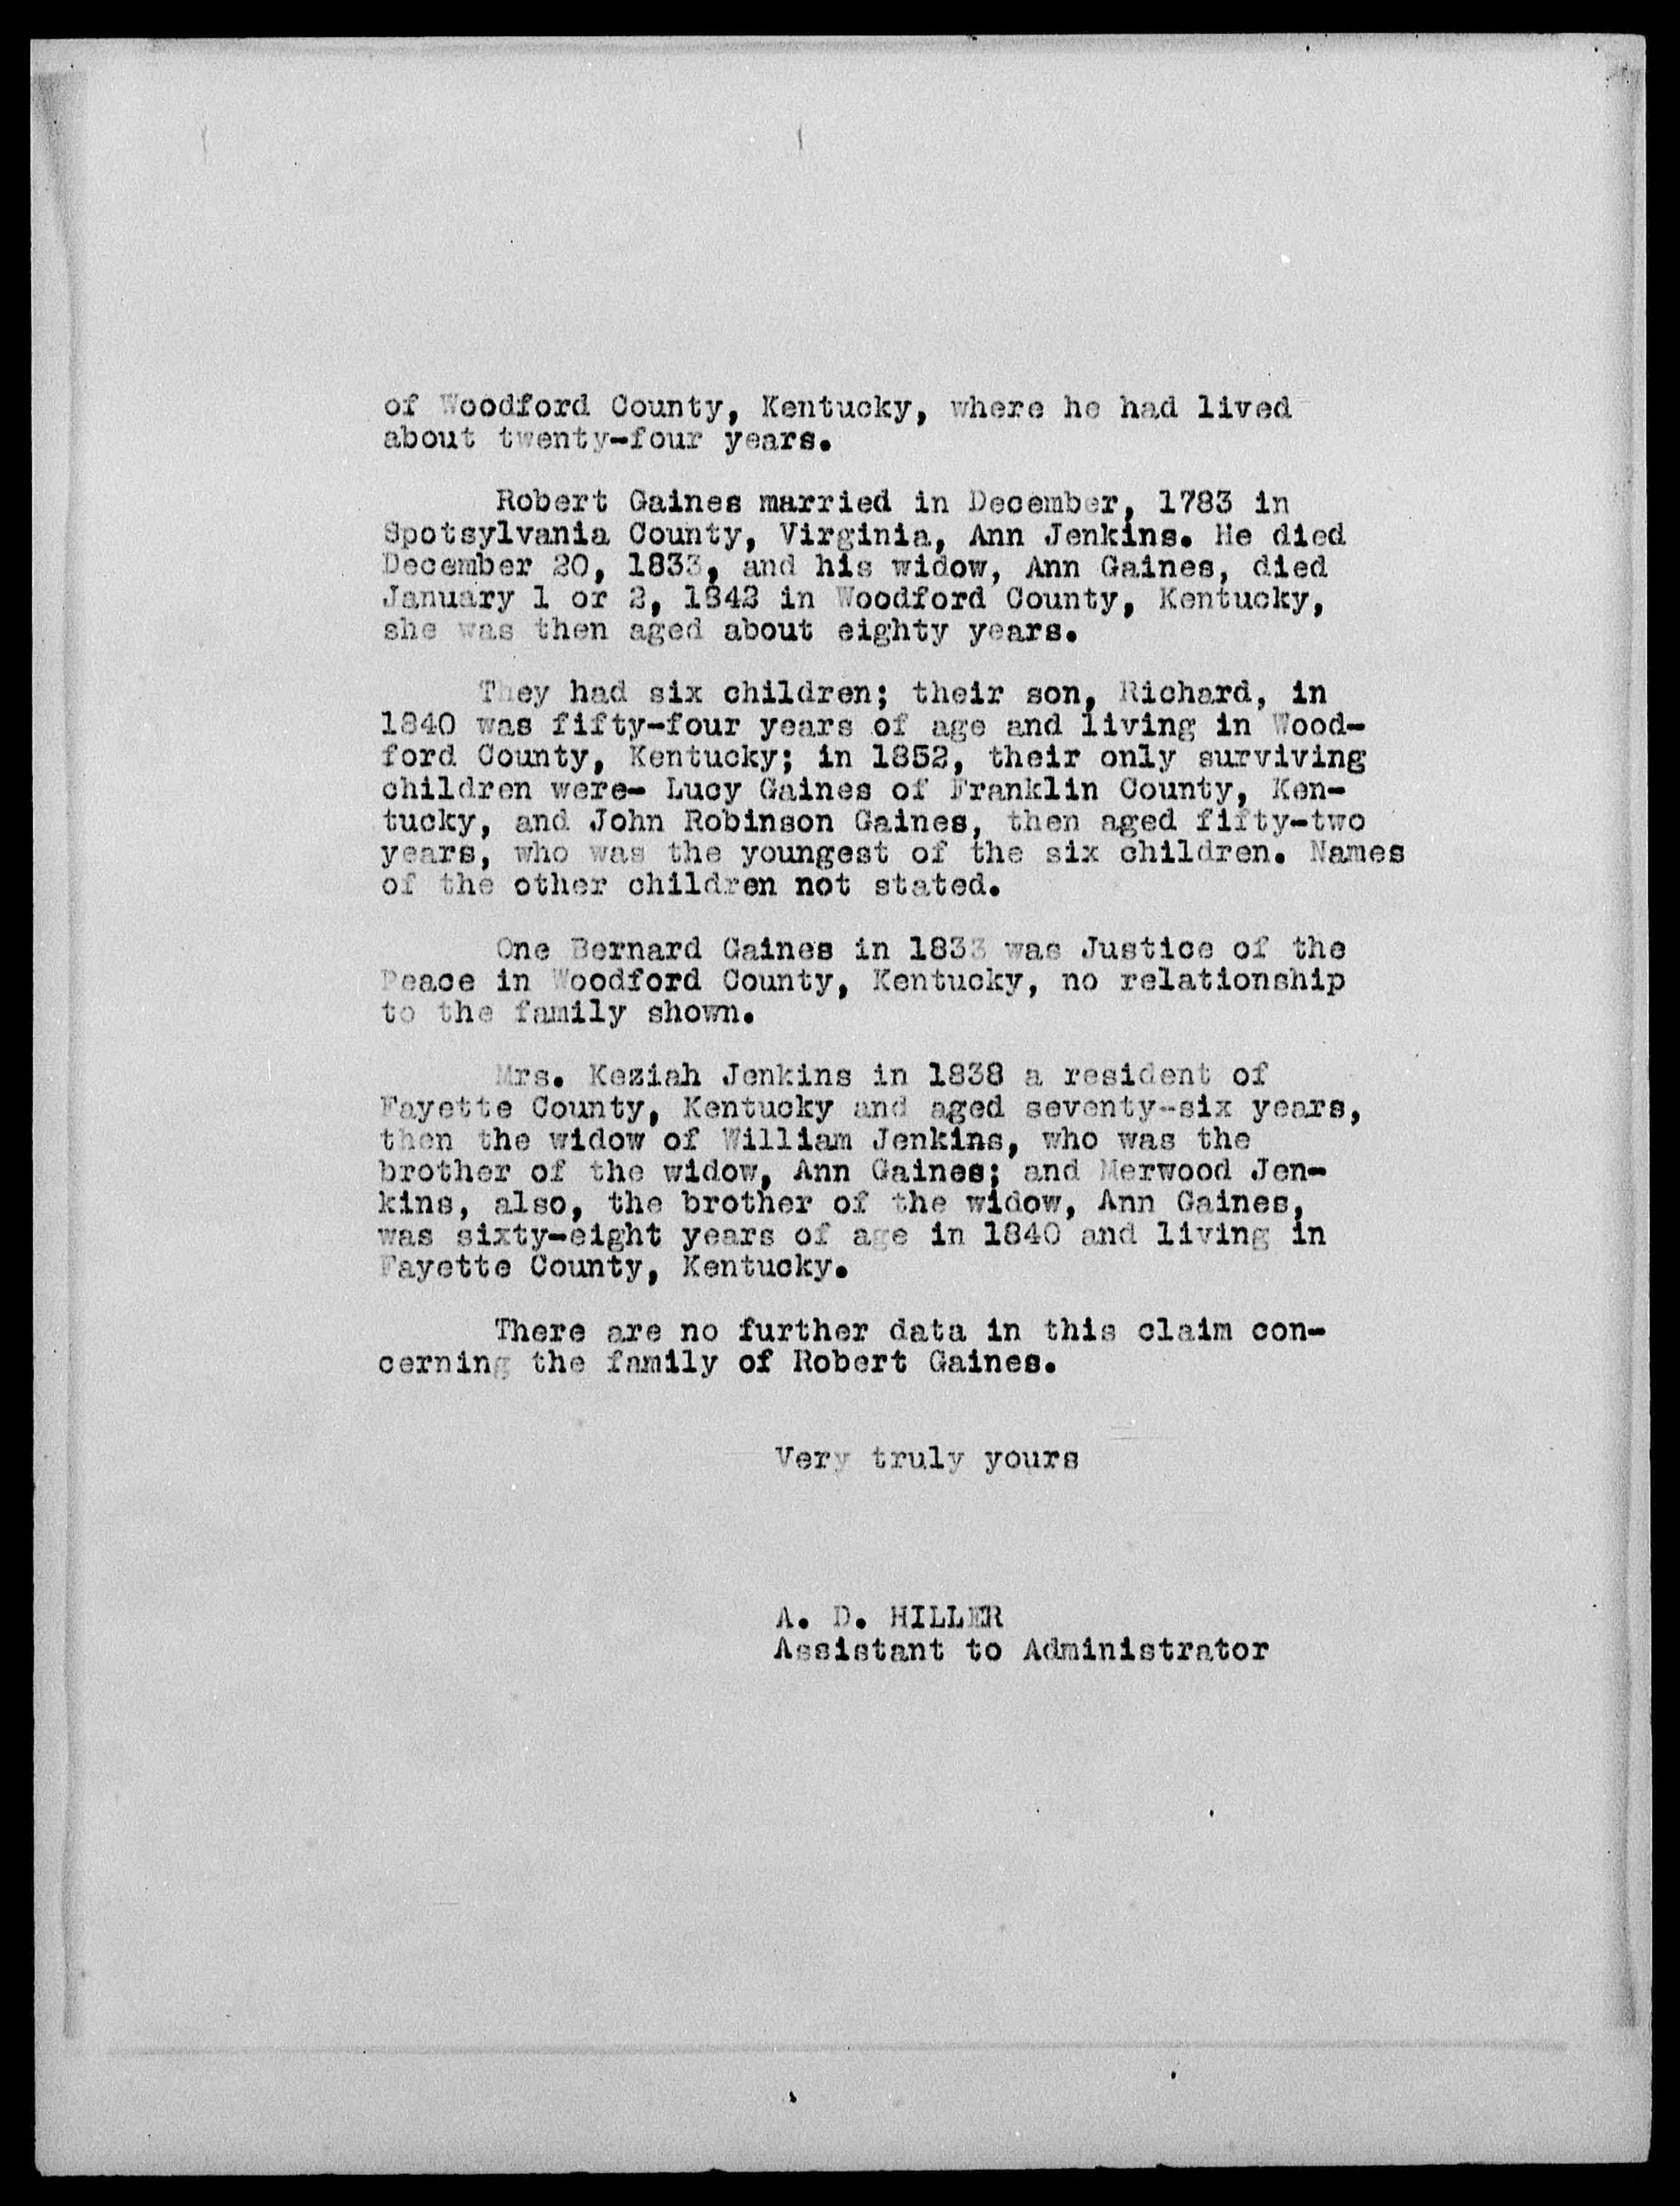[LEtter continued from previous page]
of Woodford County, Kentucky, where he had lived about twenty-four years.
Robert Gaines married in December, 1783 in Spotsylvania County, Virginia, Ann Jenkins. He died January 1 or 2, 1842 in Woodford County, Kentucky, she was then aged about eighty years.
They had six children; their son, Richard, in 1840 was fifty-four years of age and living in Woodford County, Kentucky; in 1852, their only surviving childern were-Lucy Gaines of Franklin County, Kentucky, and John Robinson Gaines, then aged fifty-two years who was the youngest of the six children. Names of the other children were not stated.
One Bernard Gaines in 1833 was Justice of the Peace in Woodford County, Kentucky, no relationship to the family shown.
Mrs. Keziah Jenkins in 1838 a resident of Fayette County, Kentucky and aged seventy-six years, then the widow of William Jenkins, who was the brother of the widow, Ann Gaines; and Merwood Jenkins, also, the brother of the widow, Ann Gaines, was sixty-eight years of age in 1840 and living in Fayette County, Kentucky.
There are no further data in this claim concerning the family of Robert Gaines.
Very truly yours
A. D. HILLER
Assistant to Administrator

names: Ann Gaines, Ann Jenkins, Bernard Gaines, A D Hiller, Lucy Gaines, Ann Gaines, Keziah Jenkins, Richard, Robert Gaines, Ann Gaines, William Jenkins, Merwood Jenkins, John Robinson Gaines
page: 24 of 79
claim: rejected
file: R. 3863, Robert Gaines, Va.